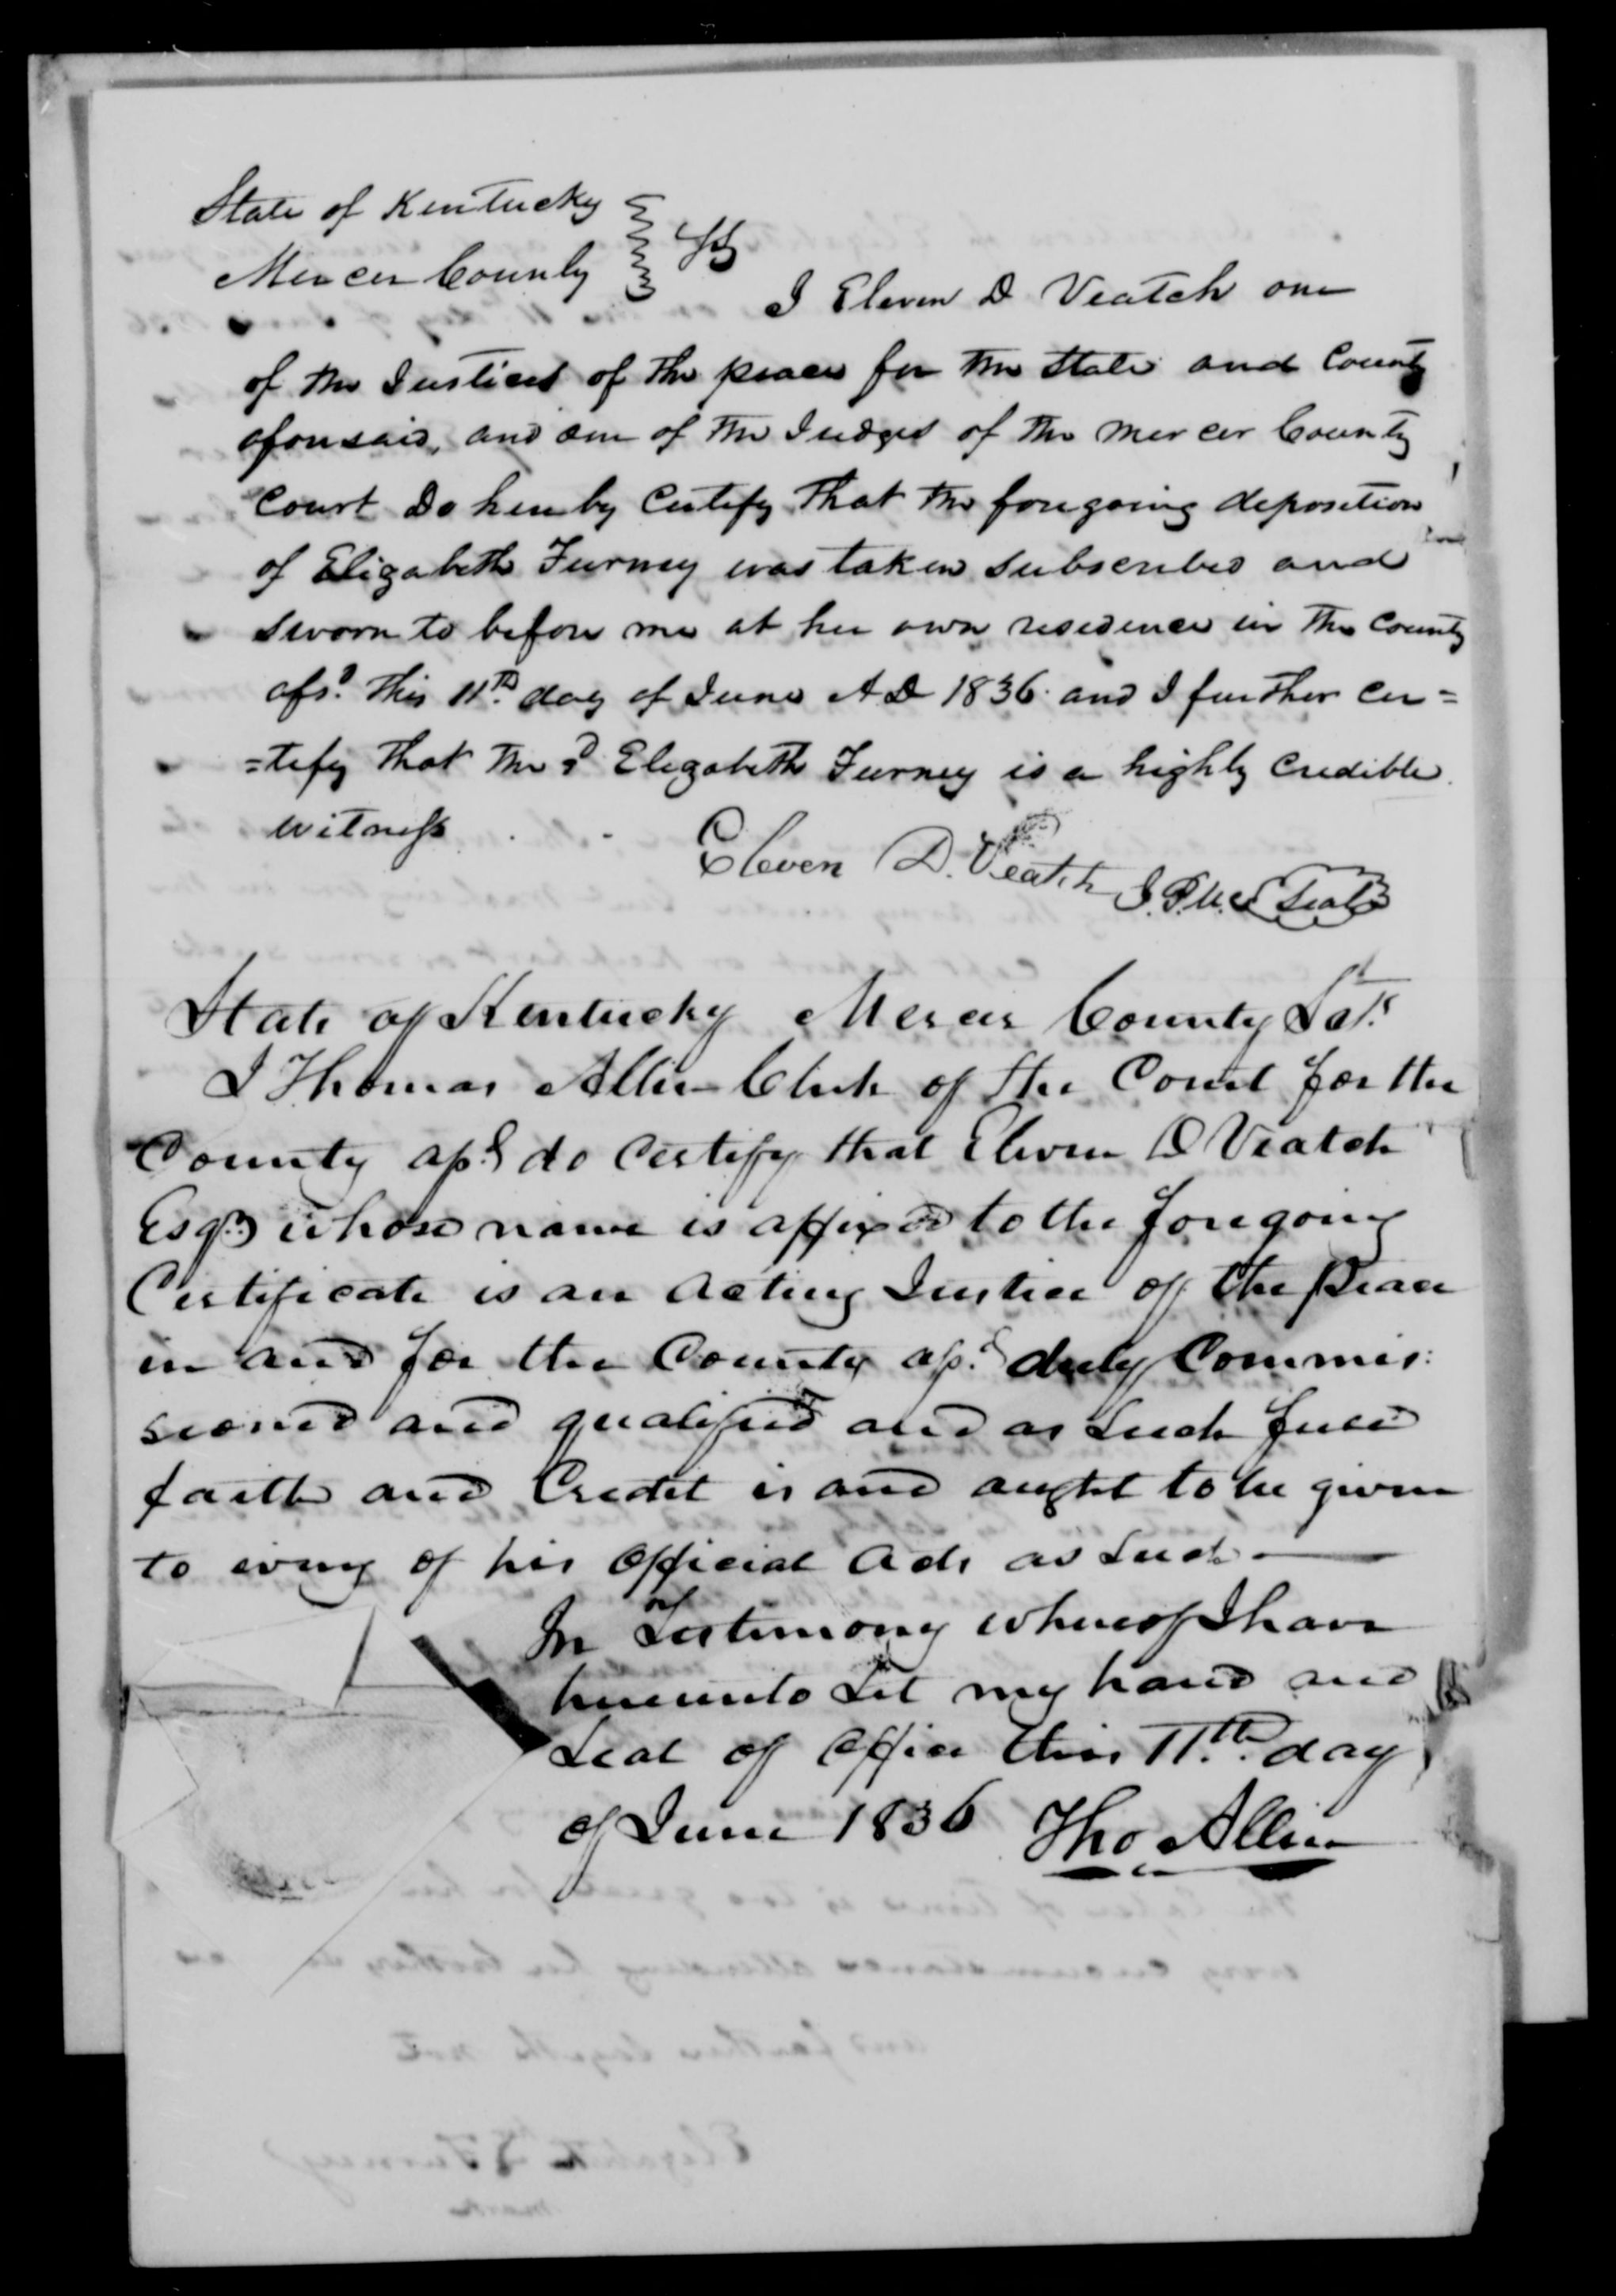State of Kentucky}
Mercer County } Ss
I Eleven D Veatch one
of the Justices of the peace for the State and county
aforesaid, and one of the Judges of the Mercer County
Court Do hereby certify that the foregoing deposition
of Elizabeth Furney was taken subscribed and
sworn to before me at her own residence in the county
afsd. This 11th day of June AD 1836 and I further certify
that the sd Elizabeth Furney is a highly credible
witness.
Eleven D. Veatch J.Peace [hand drawn cloud with the word Seal inscribed inside]

State of Kentucky Mercer County Set
I Thomas Allen Clerk of the Court of the
County afs. do certify that Eleven D. Veatch
Esqr whose name is affixed to the foregoing
Certificate is an acting Justice of the Peace
in and for the County afs. duly commissioned
and qualified and as Such full
faith and Credit is an ought to be given
to every of his official adr as such
In Testimony whereof I have 
hereunto set my hand and 
seal of office this 11th day
of June 1836
Tho Allen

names: Thomas Allen, Eleven D Veatch, Elizabeth Turney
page: 4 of 14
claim: rejected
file: R 11149, Peter Worner, Md.